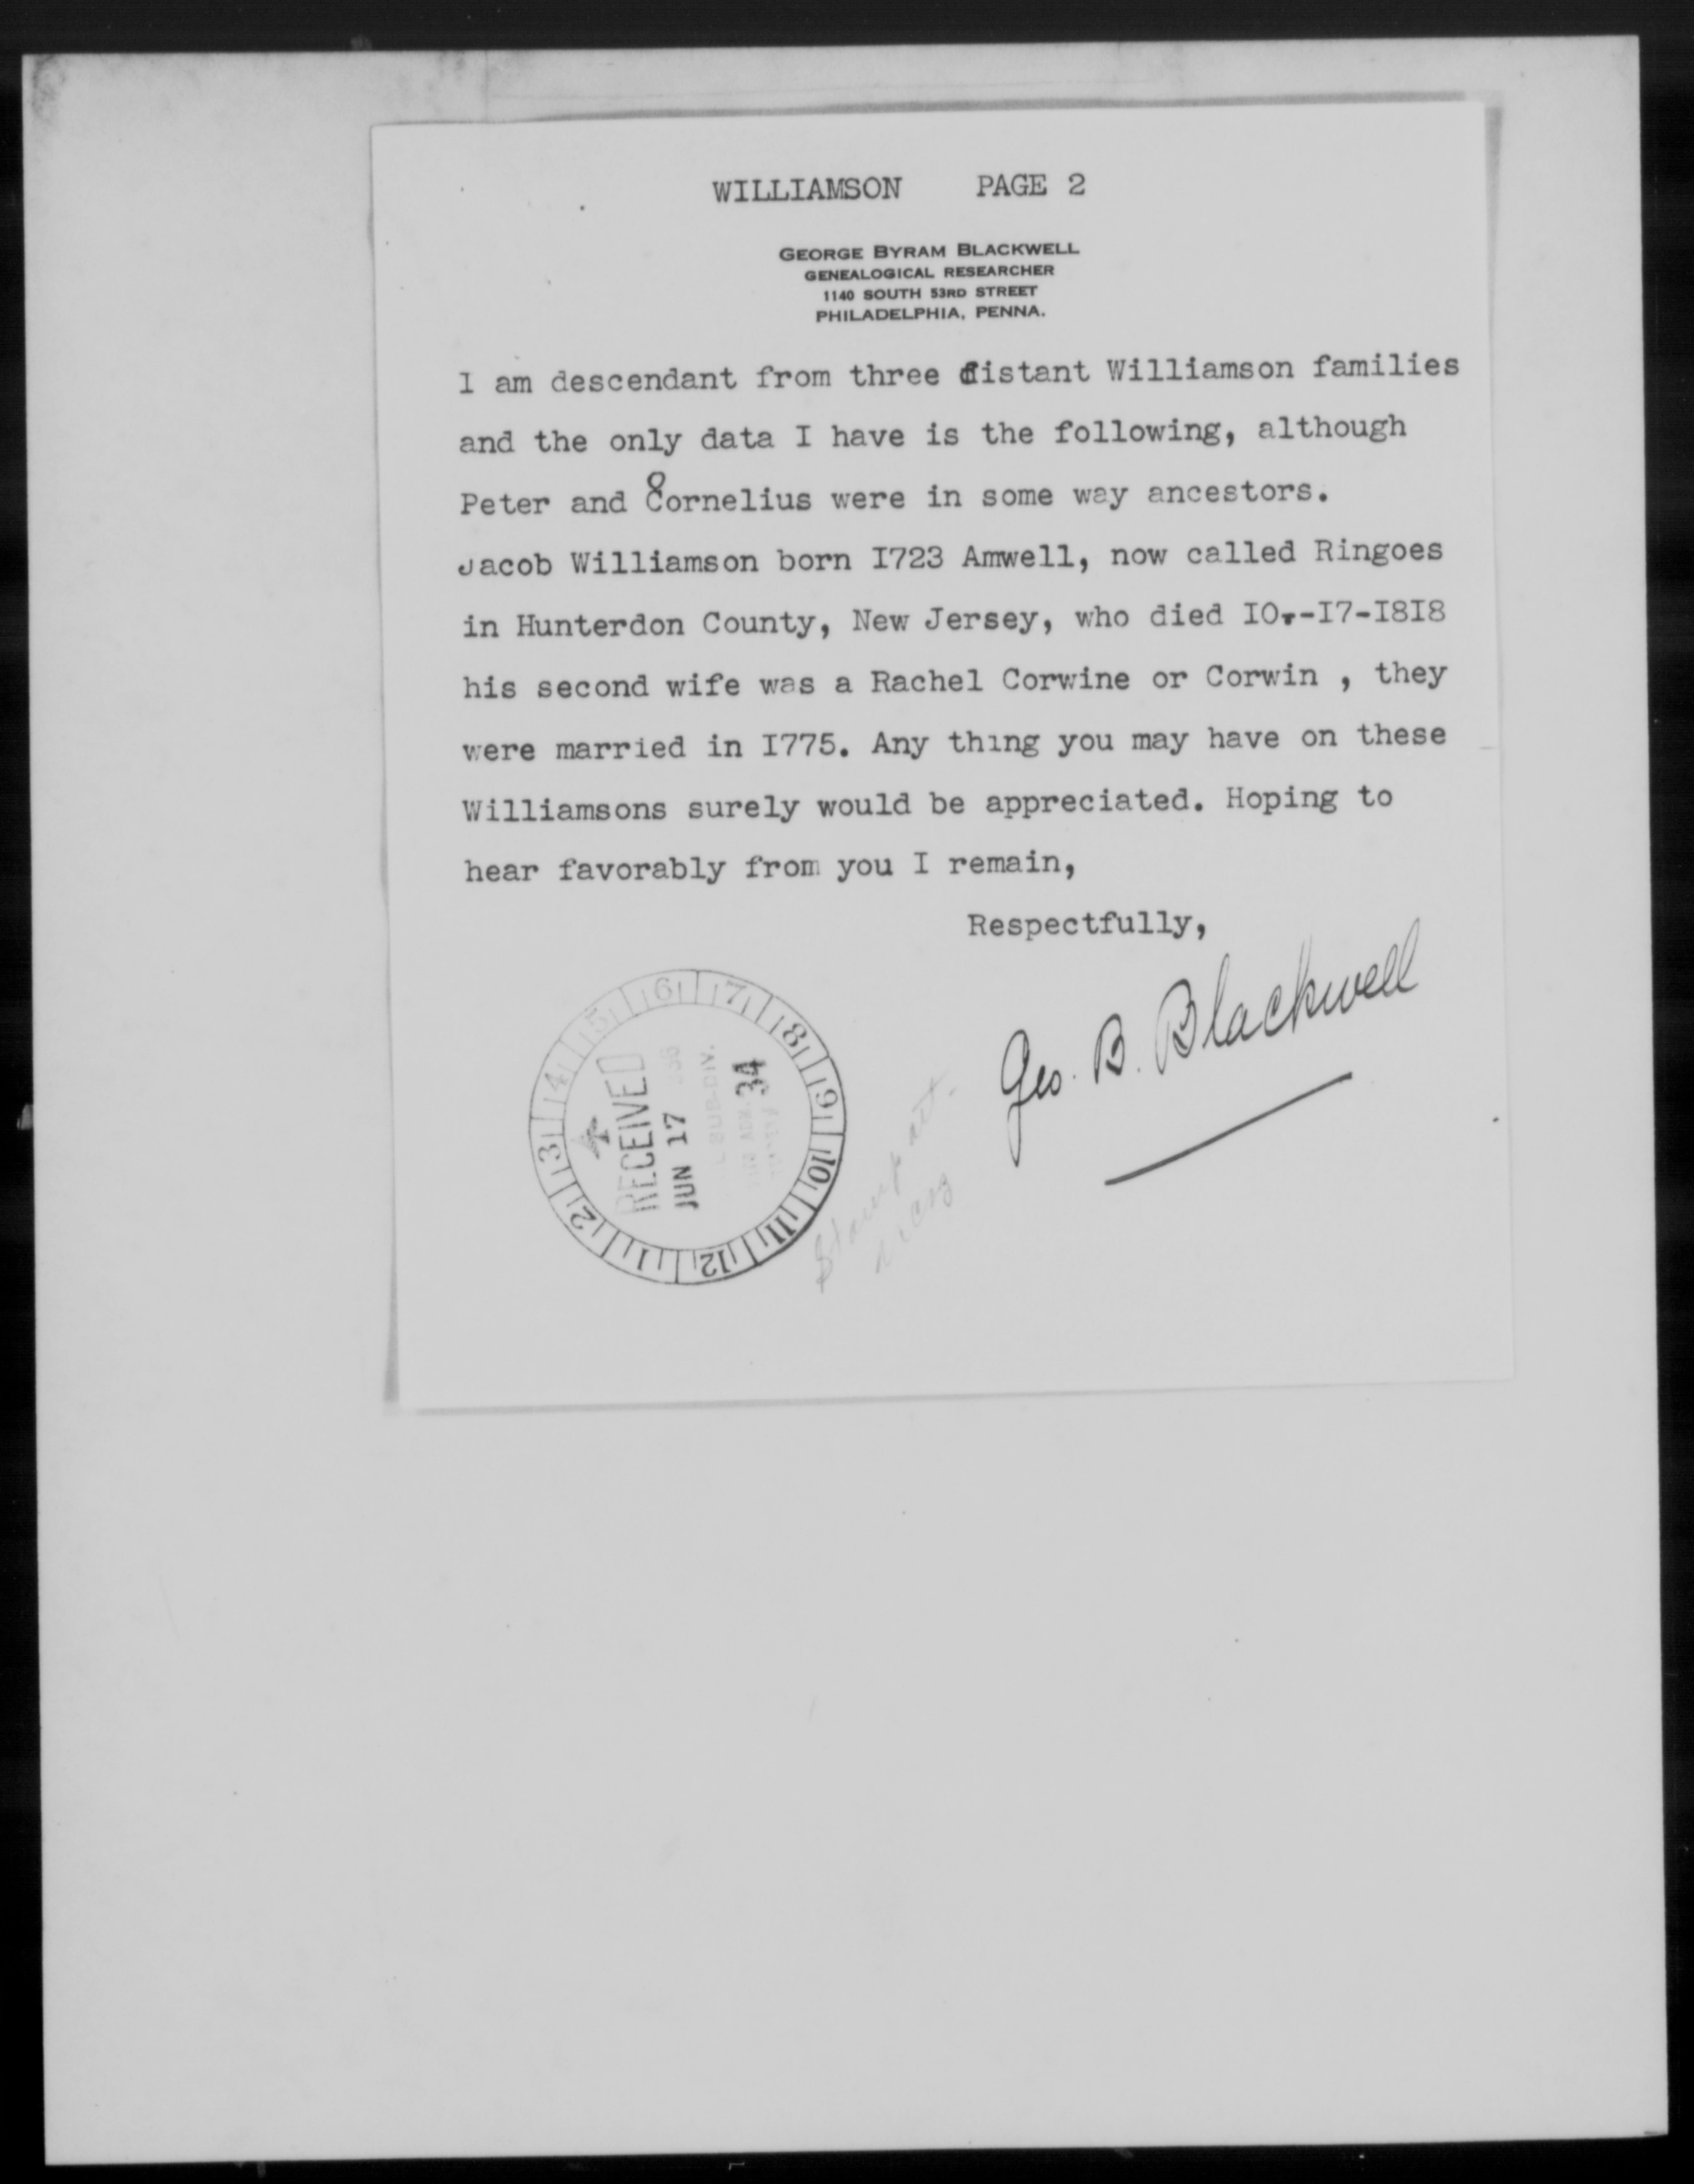WILLIAMSON | PAGE 2

GEORGE BYRAM BLACKWELL
GENEALOGICAL RESEARCHER
1140 SOUTH 53RD STREET
PHILADELPHIA, PENNA.

I am descendant from three distant Williamson families and the only data I have is the following, although Peter and Cornelius were in some way ancestors.

Jacob Williamson born 1723 Amwell, now called Ringoes in Hunterdon County, New Jersey, who died 10-17-1818 his second wife was a Rachel Corwine or Corwin, they were married in 1775. Any thing you may have on these Williamsons surely would be appreciated. Hoping to hear favorably from you I remain,

Respectfully,
s/ Geo B. Blackwell

Stamp Act [illegible]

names: Cornelius, Rachel Corwine, Jacob Williamson, Rachel Corwin, Peter, George Byram Blackwell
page: 65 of 67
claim: widow's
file: W. 2393, Jacob Williamson, New Jersey